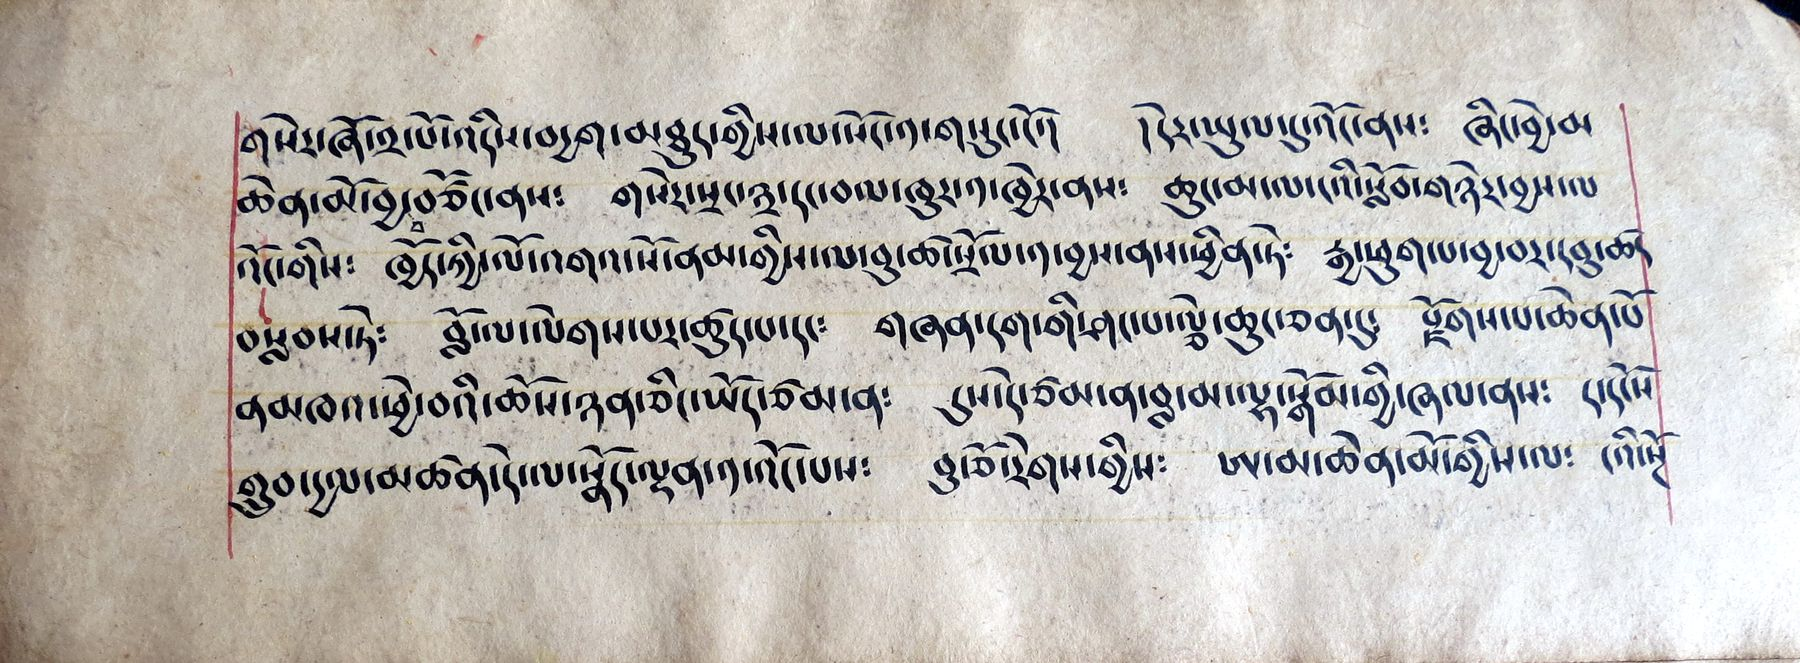གསེར་ཞོ་གཉིས་པོ་འདིས་རྒྱག་མཐུད་གྱིས་ལ་སོང་ཤིག་གསུངས་སོ། །དེར་ཡུལ་དུ་འོང་ནས། ཞིང་བྱེ་མ་
ཆེན་མོ་བྱ་བ་བཙོང་ནས། གསེར་སྲང་གསུམ་དང་བལ་ཁུར་ཞིག་ཁྱེར་ནས། ཆུང་མ་ལ་སྨྲས་པ་ངས་སློབ་གཉེར་ཞིག་བྱས་ལ་
ཡོང་གི། ཁྱོད་ཀྱིས་ལོ་འགའ་སོ་ནམ་གྱིས་ལ་བུ་ཚ་སོས་ཤིག་བྱས་ནས་སོང་སྟེ། རྒྱ་ཕུག་པ་བྱ་བར་དབུ་ཚད་
བསླབས་ཏེ། བློ་ལ་ལེགས་པར་ཆུད་པ་དང་། གཞན་དག་གི་ཤངས་པ་ལྕེ་ཆུང་ཅན་དུ། རྫོགས་པ་ཆེན་པོ་
ནམ་མཁའ་ཕྱེ་བའི་ཆོས་ཉན་ཞིང་ཡོད་ཙམ་ན། དུས་དེ་ཙམ་ན་བླ་མ་ལྷ་སྒོམ་གྱི་ཞལ་ནས། དངོས་
གྲུབ་རྒྱལ་མཚན་དེ་ལ་སྣོད་ལྡན་ཅིག་འོང་བས། བུ་ཅོ་རེགས་ཀྱིས། ཨ་མ་ཆེན་མོ་གྱིས་ལ། ངའི་སྔོ་